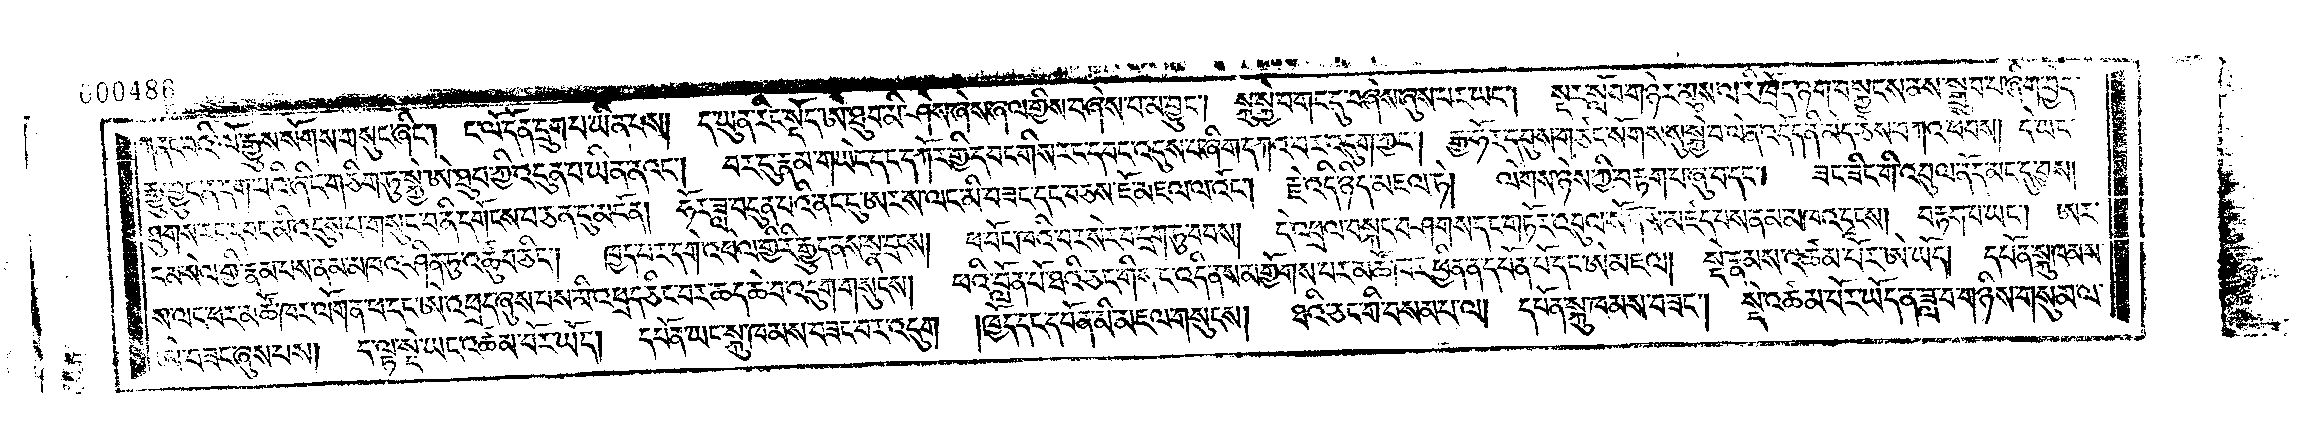གནང་བའི་ལོ་རྒྱུས་སོགས་གསུང་ཞིང་། ང་ལོ་དོན་དྲུག་པ་ཡིན་པས། ད་ཡུན་རིང་སྡོད་ཨེ་ཐུབ་མི་ཤེས་ཞེས་ཞལ་གྱིས་བཞེས་པ་མ་བྱུང་། སྐུ་སྐྱེ་བ་གང་དུ་བཞེས་ཞུས་པར་ཡང་། སྔར་སློབ་གཉེར་མུས་ལ་རི་ཁྲོད་ཉག་བསྐྱངས་ནས་སྒྲུབ་པ་ཞིག་བྱེད་
རྒྱུ་བྱུང་ན་དག་པའི་ཞིང་གཅིག་ཏུ་སྐྱེ་ཨེ་ཐུབ་ཀྱི་འདུན་པ་ཡིན་ནའང་། བར་དུ་རྣམ་གཡེང་དང་དཀོར་གྱི་དབང་གིས་རང་དབང་འདུས་པ་ཞིག་དཀའ་བར་འདུག་ཀྱང་། རྒྱ་ཧོར་དབུས་གཙང་སོགས་སུ་སྐྱེ་བ་ལེན་འདོད་ནི་མེད་ཅེས་བཀའ་ཕེབས། དེ་ཡང་
ཐུགས་རང་དབང་མི་འདུས་པ་གསུང་བ་ནི་དགོངས་པ་ཅན་དུ་མངོན། ཧོར་ཟླ་བདུན་པའི་ནང་དུ་ཨར་ས་ལང་མི་བཟང་དང་བཅས་ཇོ་མཇལ་ལ་འོང་། རྗེ་འདི་ཉིད་མཇལ་ཏེ། ལེགས་ཉེས་ཀྱི་བརྟག་པ་ཞུ་བ་དང་། ཟང་ཟིང་གི་འབུལ་ནོད་མང་དུ་བྱས།
དམ་སེལ་གྱི་རྣམ་པས་ནམ་མཁའ་ཤིན་ཏུ་འཚུབ་ཅིང་། ཁྱད་པར་དགེ་འཕེལ་གྱི་རི་རྒྱུད་ནས་སྣ་དྲངས། ཕ་བོང་ཁའི་བར་སེར་བ་དྲག་ཏུ་བབས། དེ་འཕྲལ་བསྐང་བཤགས་དང་གཏོར་འབུལ་སོགས་མཛད་པས་ནམ་མཁའ་དྭངས། བརྟག་པ་ཡང་། ཨར་
ས་ལང་ཕར་མཚོ་ཁར་ལོག་ན་ཕ་དང་ཨེ་འཕྲད་ཞུས་པས་མི་འཕྲད་ཅིང་བར་ཆད་ཆེ་བ་འདུག་གསུངས། ཕའི་བློན་པོ་ཐའི་ཅང་གིས་ང་འདི་ནས་མགྱོགས་པར་མཚོ་ཁར་ཕྱིན་ན་དཔོན་པོ་དང་ཨེ་མཇལ། སྡེ་རྣམས་འཚམ་པོར་ཨེ་ཡོད། དཔོན་སྐུ་ཁམས་
ཨེ་བཟང་ཞུས་པས། ད་ལྟ་སྡེ་ཡང་འཚམ་པོར་ཡོད། དཔོན་ཡང་སྐུ་ཁམས་བཟང་བར་འདུག །ཁྱོད་དང་དཔོན་མི་མཇལ་གསུངས། ཐའི་ཅང་གི་བསམ་པ་ལ། དཔོན་སྐུ་ཁམས་བཟང་། སྡེ་འཚམ་པོར་ཡོད་ན་ཟླ་བ་གཉིས་གསུམ་ལ་